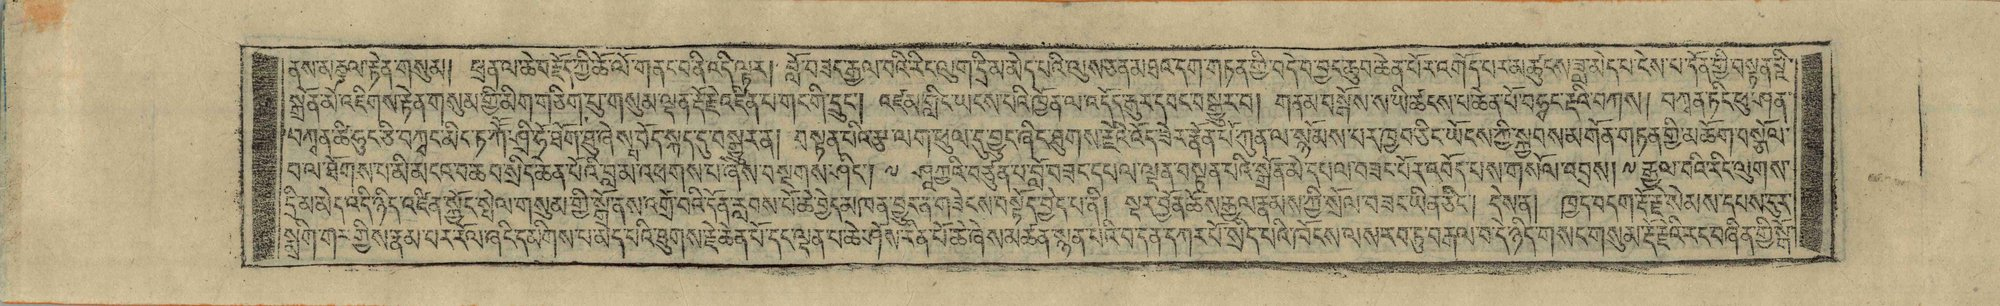ནས་མཎྜལ་རྟེན་གསུམ། ཕྲན་ལ་ཆེ་བརྗོད་ཀྱི་ཆོ་ལོ་གནང་བ་ནི་འདི་ལྟར། བློ་བཟང་རྒྱལ་བའི་རིང་ལུག་དྲི་མ་མེད་པའི་ལུས་ཅན་མཐའ་དག་གཏན་གྱི་བདེ་བ་བྱང་ཆུབ་ཆེན་པོར་འགོད་པར་མཚུངས་ཟླ་མེད་པ་ངེས་པ་དོན་གྱི་བསྟན་པཱི་
སྒྲོན་མེ་འཇིག་རྟེན་གསུམ་གྱི་མིག་གཅིག་པུ་གསུམ་ལྡན་རྡོ་རྗེ་འཛིན་པ་གང་གི་དྲུང་། འཛམ་གླིང་ཡངས་པའི་ཁྱོན་ལ་འདོད་རྒུར་དབང་བསྒྱུར་བ། གནམ་བསྒོས་ས་ཡི་ཚངས་པ་ཆེན་པོ་བཧྭང་རྡའི་བཀས། བཀྭན་ཏིང་ཕུ་ཤན་
བཀྭན་ཚི་ཧུང་ཅི་བཀྭང་མིང་ཏ་ཀཽ་ཤྲི་ཧོ་ཐོག་ཐུ་ཞེས་པ་བོད་སྐད་དུ་བསྒྱུར་ན། བསྟན་པའི་རྩ་ལག་ཕུལ་དུ་བྱུང་ཞིང་ཐུགས་རྗེའི་འོད་ཟེར་རྣོན་པོ་ཀུན་ལ་སྙོམས་པར་ཁྱབ་ཅིང་ཡོངས་ཀྱི་སྐྱབས་མགོན་གཏན་གྱི་མཆོག་བསྩོལ་
བ་ལ་ཐོགས་པ་མི་མངའ་བ་ཆབ་སྲིད་ཆེན་པོའི་བླ་མ་འཕགས་པ་ཞེས་བསྔགས་ཤིང་། ༧་ཤཱཀྱའི་བཙུན་པ་བློ་བཟང་དཔལ་ལྡན་བསྟན་པའི་སྒྲོན་མེ་དཔལ་བཟང་པོར་འབོད་པས་གསོལ་འབྲས། ༧རྒྱལ་བའི་རིང་ལུགས་
དྲི་མ་མེད་འདི་ཉིད་འཛིན་སྐྱོང་སྤེལ་གསུམ་གྱི་སྒོ་ནས་འགྲོ་བའི་དོན་རླབས་པོ་ཆེ་བྱེད་མཁན་བྱུང་ན་གཟེངས་བསྟོད་བྱེད་པ་ནི། སྔར་བྱོན་ཆོས་རྒྱལ་རྣམས་ཀྱི་སྲོལ་བཟང་ཡིན་ཅིང་། དེས་ན། ཁྱད་བདག་རྡོ་རྗེ་སེམས་དཔས་དུར་
སྨྲིག་གར་གྱིས་རྣམ་པར་རོལ་ཞིང་དམིགས་པ་མེད་པའི་ཐུགས་རྗེ་ཆེན་པོ་དང་ལྡན་པ་ཆེ་ཤོས་རིན་པོ་ཆེ་ཞེས་མཚན་སྙན་པའི་བ་དན་དཀར་པོ་སྲིད་པའི་ཁོངས་ལས་རབ་ཏུ་བརྒལ་བ་དེ་ཉིད་གསང་གསུམ་རྡོ་རྗེའི་རང་བཞིན་གྱི་སྒོ་